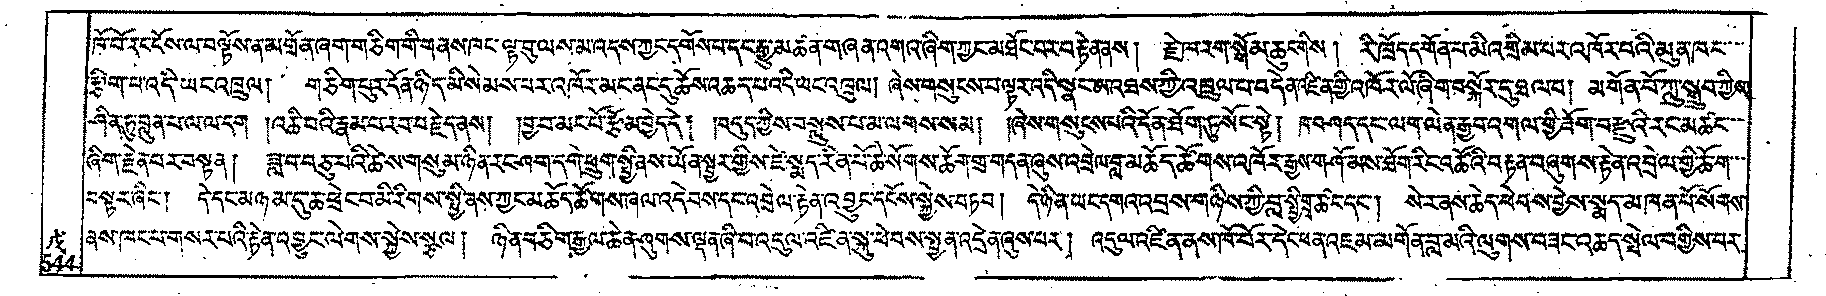ཁོ་བོ་རང་ངོས་ལ་བལྟོས་ན་མགྲོན་ཞག་གཅིག་གི་གནས་ཁང་ལྟ་བུ་ལས་མ་འདས་ཀྱང་དགོས་པ་དང་རྒྱུ་མཚན་གཞན་འགའ་ཞིག་ཀྱང་མཐོང་བར་བརྟེན་ནས། རྗེ་ཁ་རག་སྒོམ་ཆུང་གིས། རི་ཁྲོད་དགོན་པ་མི་འགྲིམ་པར་འཁོར་བའི་མུན་ཁང་
རྩིག་པ་འདི་ཡང་འཁྲུལ། གཅིག་པུར་དོན་ཉིད་མི་སེམས་པར་འཁོར་མང་ནང་དུ་ཆོས་འཆད་པ་འདི་ཡང་འཁྲུལ། ཞེས་གསུངས་པ་ལྟར་འདི་སྣང་ཨ་འཐས་ཀྱི་འཁྲུལ་པ་བདེན་འཛིན་གྱི་འཁོར་ལོ་ཞིག་བསྐོར་དུ་ཐལ་བ། མགོན་པོ་ཀླུ་སྒྲུབ་ཀྱིས་
ཤིན་ཏུ་བླུན་པ་ལ་ལ་དག །འཆི་བའི་རྣམ་པ་རབ་བརྗེད་ནས། །བྱ་བ་མང་པོ་རྩོམ་བྱེད་དེ། །བདུད་ཀྱིས་བསླུས་པ་མ་ལགས་སམ། །ཞེས་གསུངས་པའི་དོན་ཐོག་ཏུ་སོང་སྟེ། ཁ་བཤད་དང་ལག་ལེན་རྒྱབ་འགལ་གྱི་ཟོག་བརྫུའི་རང་མཚང་
ཞིག་རྗེན་པར་བསྟན། ཟླ་བ་བཅུ་པའི་ཚེས་གསུམ་ཉིན་རང་ཤག་དགེ་ཕྲུག་སྤྱི་ནས་ཡོན་སྦྱར་གྱིས་ཛེ་སྨད་རིན་པོ་ཆེ་སོགས་ཆོག་གྲ་གདན་ཞུས་འབྲེལ་བླ་མཆོད་ཚོགས་འཁོར་རྒྱས་གཤོམས་ཐོག་རིང་འཚོའི་བརྟན་བཞུགས་རྟེན་འབྲེལ་གྱི་ཆོ་ག་
བསྟར་ཞིང་། དེ་དང་མཉམ་དུ་ཆ་ཕྲེང་བ་མི་རིགས་སྤྱི་ནས་ཀྱང་མཆོད་ཚོགས་ཞལ་འདེབས་དང་འབྲེལ་རྟེན་འབྱུང་དངོས་སྐྱེས་བཏབ། དེ་ཉིན་ཡང་དགའ་འབྲས་གཉིས་ཀྱི་བླ་སྤྱི་གྲྭ་ཚང་དང་། སེ་ར་ནས་ཆེད་ཕེབས་བྱེས་སྨད་མཁན་པོ་སོགས་
ནས་ཁང་པ་གསར་པའི་རྟེན་འབྱུང་ལེགས་སྐྱེས་སྩལ། ཉིན་གཅིག་རྒྱལ་ཆེན་ཤུགས་ལྡན་ཞི་བ་འདུལ་འཛིན་སྐུ་ཕེབས་སྤྱན་འདྲེན་ཞུས་པར། འདུལ་འཛིན་ནས་ཁོ་བོར་དེང་ཕན་འཇམ་མགོན་བླ་མའི་ལུགས་བཟང་འཆད་སྤེལ་བགྱིས་པར་